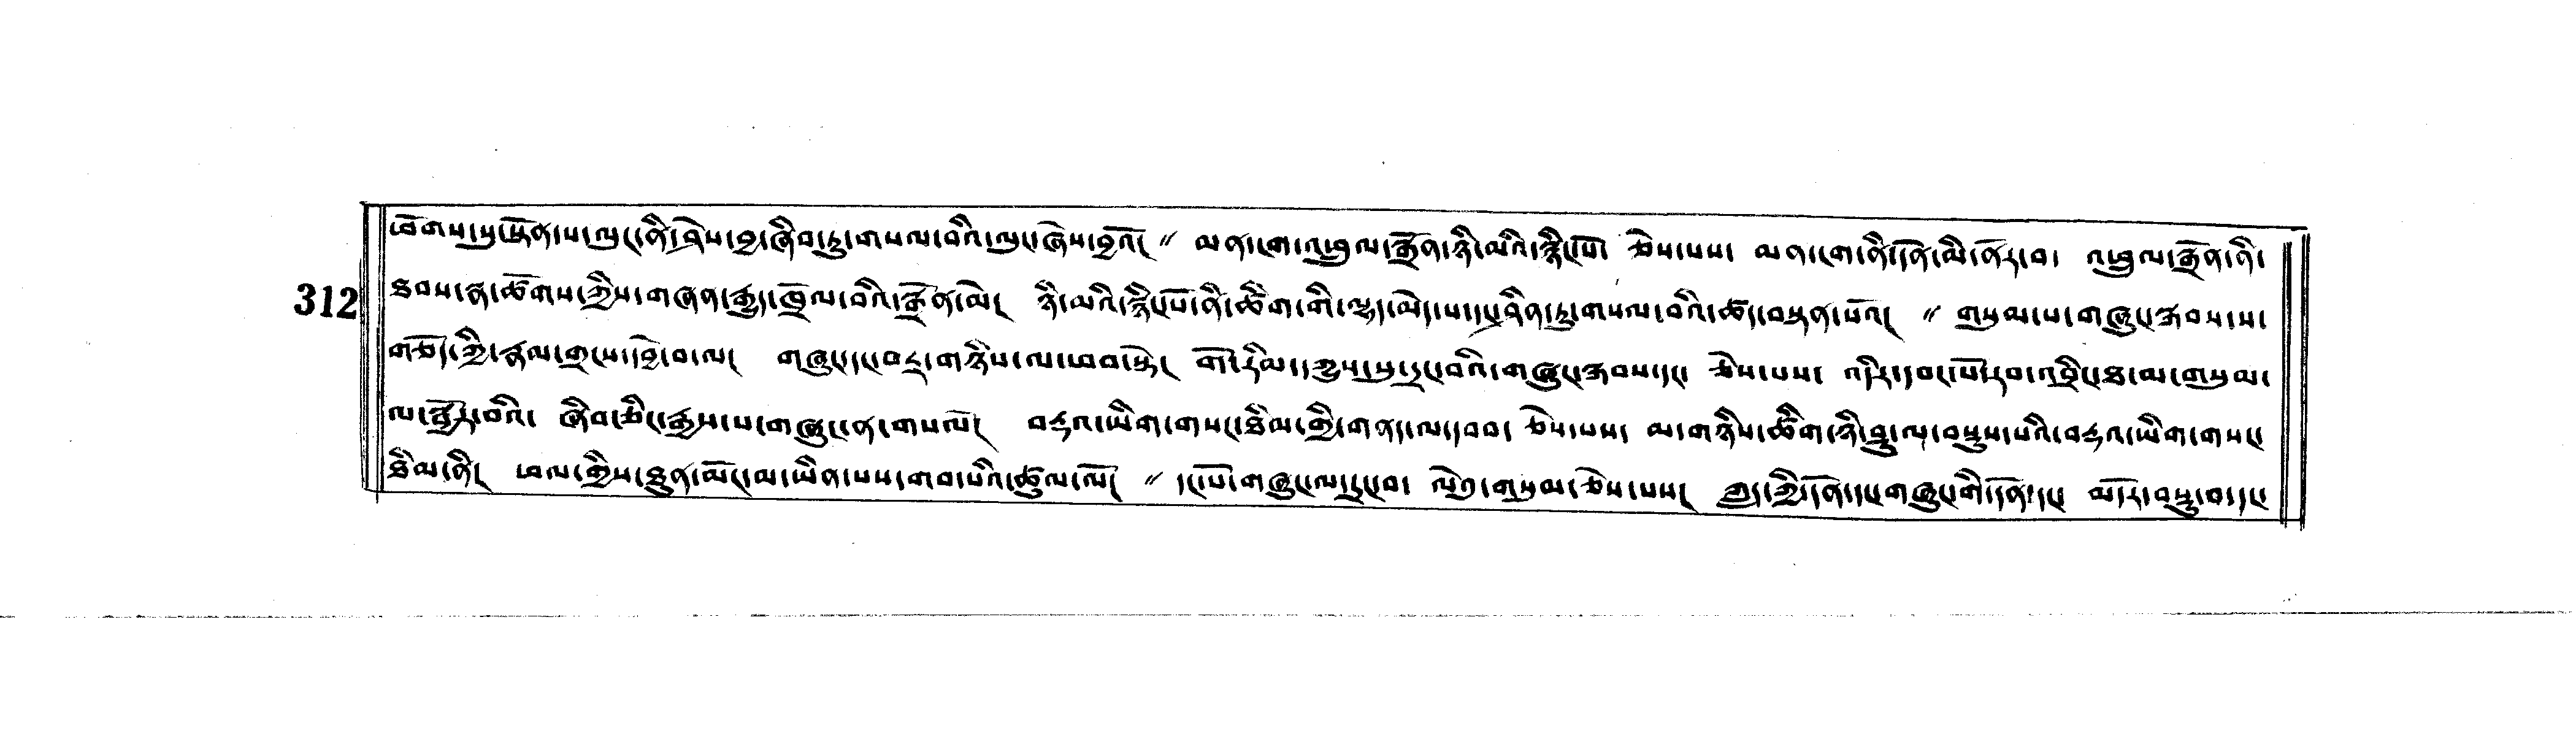ཕོགས་སུ་སྟོན་པ། ལུང་ནི་ཤེས་བྱ་ཞིབ་དུ་གསལ་བའི་ལུང་ཞེས་བྱའོ། མན་ངག་འཕྲུལ་སྒྲོན་ཉི་མའི་སྙིང་པོ་ཅེས་པས་མན་ངག་ནི་དོན་མི་ནོར་བ། འཕྲུལ་སྒྲོན་ནི་
ཐབས་སྣ་ཚོགས་ཀྱིས་གཞན་རྒྱུད་ཁྲོལ་བའི་སྒྲོན་མེ། ཉི་མའི་སྙིང་པོ་ནི་ཚིག་གི་ལྷད་མེད་པལ་དང་ཤིན་ཏུ་གསལ་བའི་ཚད་བསྟན་པའོ། གསུམ་པ་གཞུང་སྐབས་ས་
གཅོད་ཀྱི་རྣམ་གྲངས་དབྱེ་བ་ལ། གཞུང་དང་བརྡ་གཉིས་ལ་ཕབ་སྟེ། གོ་རིམ་དཀྱུས་སུ་དྲང་བའི་གཞུང་སྐབས་དང་། ཅེས་པས། འདིར་དབང་པོ་རབ་འབྲིང་ཐ་མ་གསུམ་
ལ་སྦྱོར་བའི། ཞིབ་ཅིང་རྒྱས་པ་གཞུང་ན་གསལ་ལོ། བརྡ་ཡིག་གསང་ཐིམ་གྱི་གནད་ལ་དབབ། མ་གཉིས་ཚིག་ཉི་ཤུ་ལ་བསྡུས་པའི་བརྡ་ཡིག་གསང་
ཐིམ་ནི། ཕལ་གྱིས་ཐུན་མོང་མ་ཡིན་པས་གབ་པའི་ཚུལ་ལོ། ༧ དང་པོ་གཞུང་ལ་དྲང་བ་ལེའུ་གསུམ་ཅེས་པས། ཀླད་ཀྱི་དོན་དང་། གཞུང་གི་དོན་དང་། མདོར་བསྡུ་བ་དང་